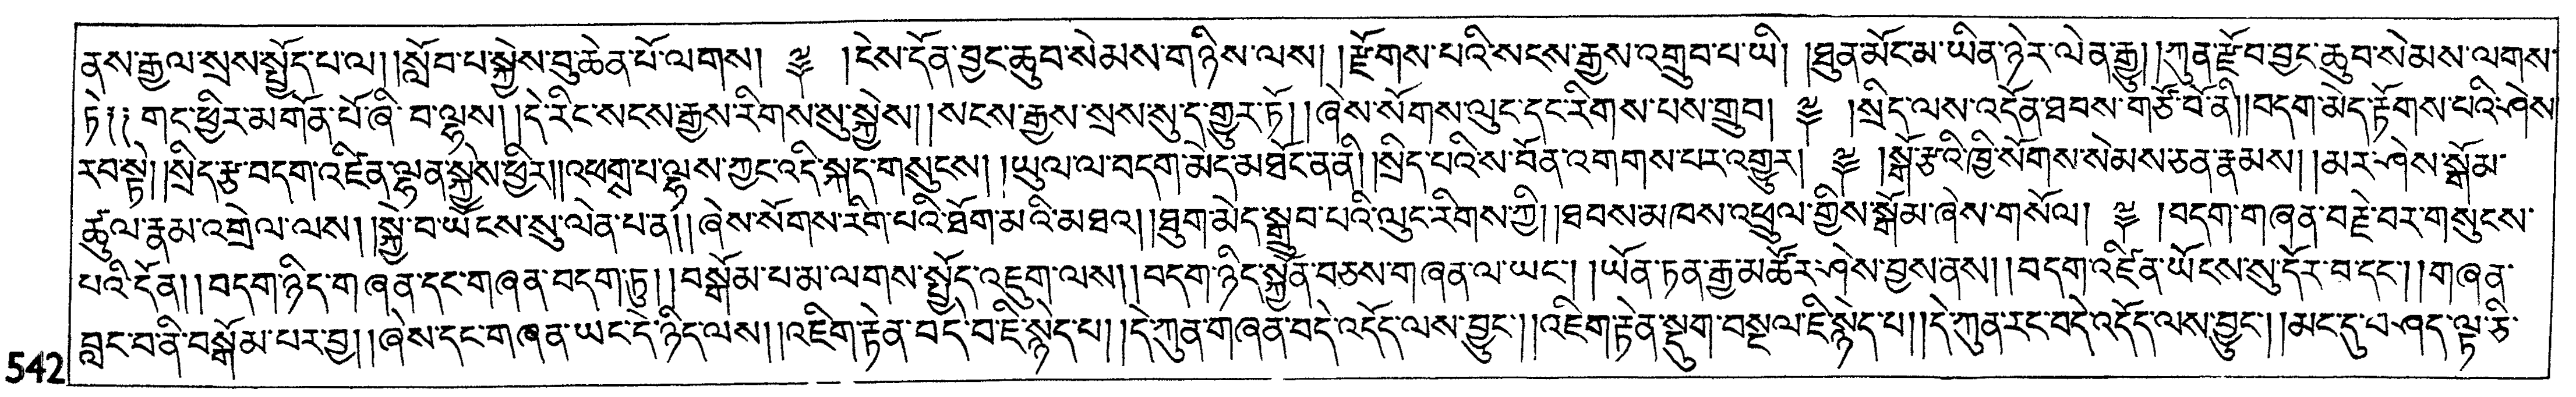ནས་རྒྱལ་སྲས་སྤྱོད་པ་ལ། །སློབ་པ་སྐྱེས་བུ་ཆེན་པོ་ལགས། ༈ །ངེས་དོན་བྱང་ཆུབ་སེམས་གཉིས་ལས། །རྫོགས་པའི་སངས་རྒྱས་འགྲུབ་པ་ཡི། །ཐུན་མོང་མ་ཡིན་ཉེར་ལེན་རྒྱུ། །ཀུན་རྫོབ་བྱང་ཆུབ་སེམས་ལགས་
ཏེ༑ ༑གང་ཕྱིར་མགོན་པོ་ཞི་བ་ལྷས། །དེ་རིང་སངས་རྒྱས་རིགས་སུ་སྐྱེས། །སངས་རྒྱས་སྲས་སུ་ད་གྱུར་ཏོ། །ཞེས་སོགས་ལུང་དང་རིགས་པས་གྲུབ། ༈ །སྲིད་ལས་འདོན་ཐབས་གཙོ་བོ་ནི། །བདག་མེད་རྟོགས་པའི་ཤེས་
རབ་སྟེ། །སྲིད་རྩ་བདག་འཛིན་ལྷན་སྐྱེས་ཕྱིར། །འཕགས་པ་ལྷས་ཀྱང་འདི་སྐད་གསུངས། །ཡུལ་ལ་བདག་མེད་མཐོང་ན་ནི། །སྲིད་པའི་ས་བོན་འགགས་པར་འགྱུར། ༈ །སྒོ་རྩའི་ཁྱི་སོགས་སེམས་ཅན་རྣམས། །མར་ཤེས་སྒོམ་
ཚུལ་རྣམ་འགྲེལ་ལས། །སྐྱེ་བ་ཡོངས་སུ་ལེན་པ་ན། །ཞེས་སོགས་རིག་པའི་ཐོག་མའི་མཐའ། །ཐུག་མེད་སྒྲུབ་པའི་ལུང་རིགས་ཀྱི། །ཐབས་མཁས་འཕྲུལ་གྱིས་སྒོམ་ཞེས་གསོལ། ༈ །བདག་གཞན་བརྗེ་བར་གསུངས་
པའི་དོན། །བདག་ཉིད་གཞན་དང་གཞན་བདག་ཏུ། །བསྒོམ་པ་མ་ལགས་སྤྱོད་འཇུག་ལས། །བདག་ཉིད་སྐྱོན་བཅས་གཞན་ལ་ཡང་། །ཡོན་ཏན་རྒྱ་མཚོར་ཤེས་བྱས་ནས། །བདག་འཛིན་ཡོངས་སུ་དོར་བ་དང་། །གཞན་
བླང་བ་ནི་བསྒོམ་པར་བྱ། །ཞེས་དང་གཞན་ཡང་དེ་ཉིད་ལས། །འཇིག་རྟེན་བདེ་བ་ཇི་སྙེད་པ། །དེ་ཀུན་གཞན་བདེ་འདོད་ལས་བྱུང་། །འཇིག་རྟེན་སྡུག་བསྔལ་ཇི་སྙེད་པ། །དེ་ཀུན་རང་བདེ་འདོད་ལས་བྱུང་། །མང་དུ་བཤད་ལྟ་ཅི་